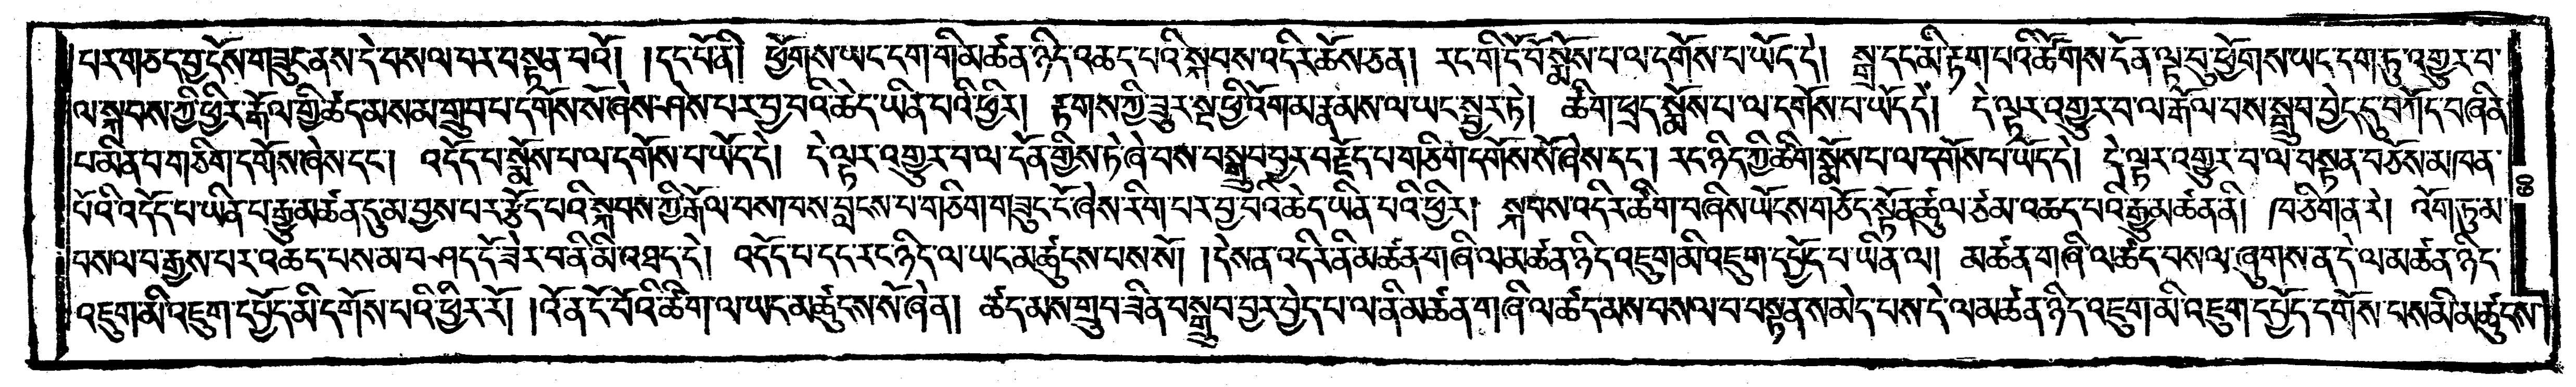པར་གཅད་བྱ་ངོས་གཟུང་ནས་དེ་བསལ་བར་བསྟན་པའོ། །དང་པོ་ནི། ཕྱོགས་ཡང་དག་གི་མཚན་ཉིད་འཆད་པའི་སྐབས་འདིར་ཆོས་ཅན། རང་གི་ངོ་བོ་སྨོས་པ་ལ་དགོས་པ་ཡོད་དེ། སྒྲ་དང་མི་རྟག་པའི་ཚོགས་དོན་ལྟ་བུ་ཕྱོགས་ཡང་དག་ཏུ་འགྱུར་བ་
ལ་སྐབས་ཀྱི་ཕྱིར་རྒོལ་གྱི་ཚད་མས་མ་གྲུབ་པ་དགོས་སོ་ཞེས་ཤེས་པར་བྱ་བའི་ཆེད་ཡིན་པའི་ཕྱིར། རྟགས་ཀྱི་ཟུར་སྔ་ཕྱི་འོག་མ་རྣམས་ལ་ཡང་སྦྱར་ཏེ། ཚིག་ཕྲད་སྨོས་པ་ལ་དགོས་པ་ཡོད་དེ། དེ་ལྟར་འགྱུར་བ་ལ་རྒོལ་བས་སྒྲུབ་བྱེད་དུ་བཀོད་བཞིན་
པ་མིན་པ་གཅིག་དགོས་ཞེས་དང་། འདོད་པ་སྨོས་པ་ལ་དགོས་པ་ཡོད་དེ། དེ་ལྟར་འགྱུར་བ་ལ་དོན་གྱིས་ཏེ་ཞེ་བས་བསྒྲུབ་བྱར་བརྗོད་པ་གཅིག་དགོས་སོ་ཞེས་དང་། རང་ཉིད་ཀྱི་ཚིག་སྨོས་པ་ལ་དགོས་པ་ཡོད་དེ། དེ་ལྟར་འགྱུར་བ་ལ་བསྟན་བཅོས་མཁན་
པོའི་འདོད་པ་ཡིན་པ་རྒྱུ་མཚན་དུ་མ་བྱས་པར་རྩོད་པའི་སྐབས་ཀྱི་རྒོལ་བས་ཁས་བླངས་པ་གཅིག་གཟུང་ངོ་ཞེས་རིག་པར་བྱ་བའི་ཆེད་ཡིན་པའི་ཕྱིར། སྐབས་འདིར་ཚིག་བཞིས་ཡོངས་གཅོད་སྟོན་ཚུལ་ཙམ་འཆད་པའི་རྒྱུ་མཚན་ནི། ཁ་ཅིག་ན་རེ། འོག་ཏུ་མ་
བསལ་བ་རྒྱས་པར་འཆད་པས་མ་བཤད་དོ་ཟེར་བ་ནི་མི་འཐད་དེ། འདོད་པ་དང་རང་ཉིད་ལ་ཡང་མཚུངས་པས་སོ། །དེས་ན་འདིར་ནི་མཚན་གཞི་ལ་མཚན་ཉིད་འཇུག་མི་འཇུག་དཔྱོད་པ་ཡིན་ལ། མཚན་གཞི་ལ་ཚད་བསལ་ཞུགས་ན་དེ་ལ་མཚན་ཉིད་
འཇུག་མི་འཇུག་དཔྱོད་མི་དགོས་པའི་ཕྱིར་རོ། །འོ་ན་ངོ་བོའི་ཚིག་ལ་ཡང་མཚུངས་སོ་ཞེ་ན། ཚད་མས་གྲུབ་ཟིན་བསྒྲུབ་བྱར་བྱེད་པ་ལ་ནི་མཚན་གཞི་ལ་ཚད་མས་བསལ་བ་བསྟན་ནས་མེད་པས་དེ་ལ་མཚན་ཉིད་འཇུག་མི་འཇུག་དཔྱོད་དགོས་པས་མི་མཚུངས་